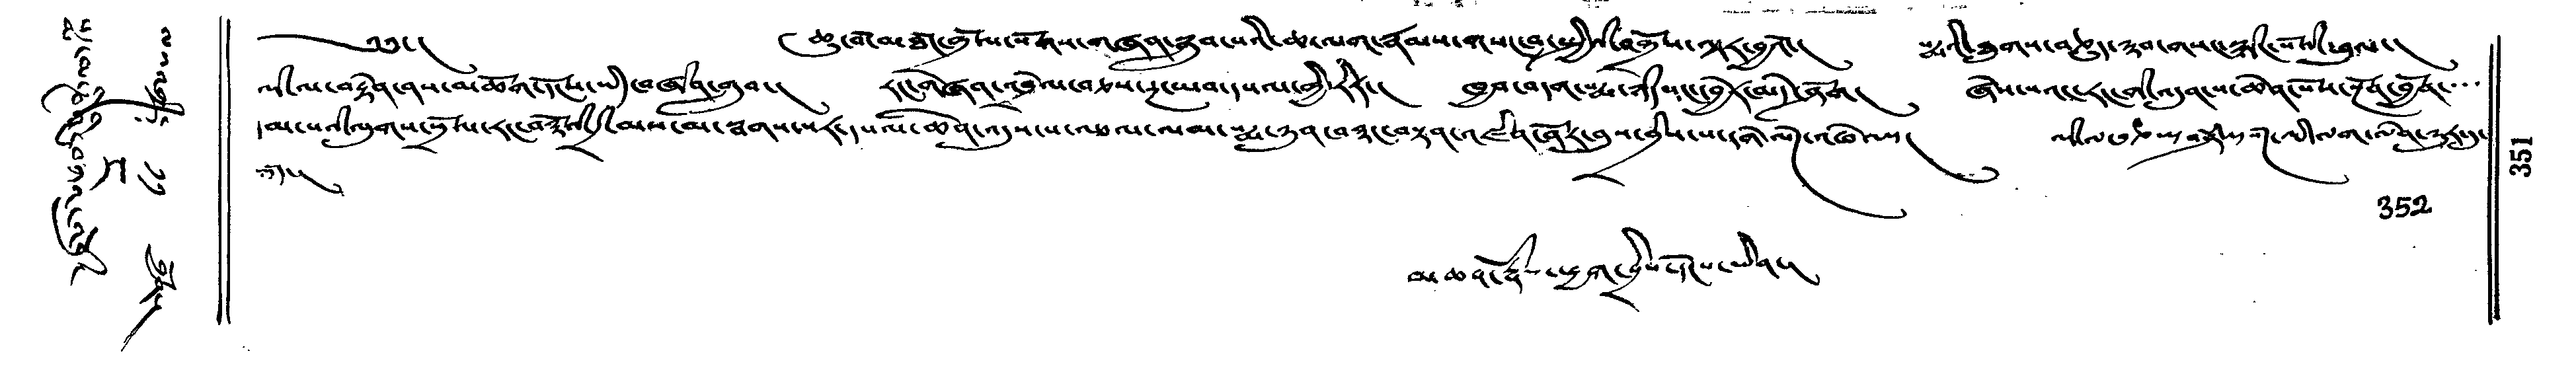ཆུ་བོ་མཐོང་གྲོལ་སོགས་གཞན་སྒྲུབ་པའི་ཆ་ལག་རྣམས་གསང་བ་སྤྱིའི་འགྲོས་ལྟར་བྱའོ།། པདྨའི་ཐུགས་བཅུད་ཟབ་གསང་སྙིང་པོའི་ཕུལ། །
འདི་ལ་བརྟེན་ནས་མཆོག་དངོས་ཡིད་བཞིན་འགྲུབ། །རང་གཞན་འབྲེལ་བཅས་རྔ་ཡབ་དཔལ་གྱི་རིར། ཁྱབ་བདག་པདྨ་ཉིད་དང་དབྱེར་མེད་ཤོག ཞེས་པའང་རང་གི་འདུན་པ་ཆེན་པོས་སྔོན་བྱོན་
དམ་པའི་ལུགས་སྲོལ་རང་བཟོའི་དྲི་མས་མ་སྦགས་པར་དཔལ་ཆེན་འདུས་པ་རྩལ་ལམ་པདྨ་ཀུན་བཟང་བསྟན་འཛིན་ནོར་བུས་བྲིས་པ་དགེ་ལེགས་འཕེལ། འདི་ལ་བཅའ་གཤོམ་སོགས་ཀྱི་ལག་ལེན་ཟུར་དུ་ཡོད་
དོ།།
མཆན་རྣམས་ཕྱག་བྲིས་དངོས་ཡིན་